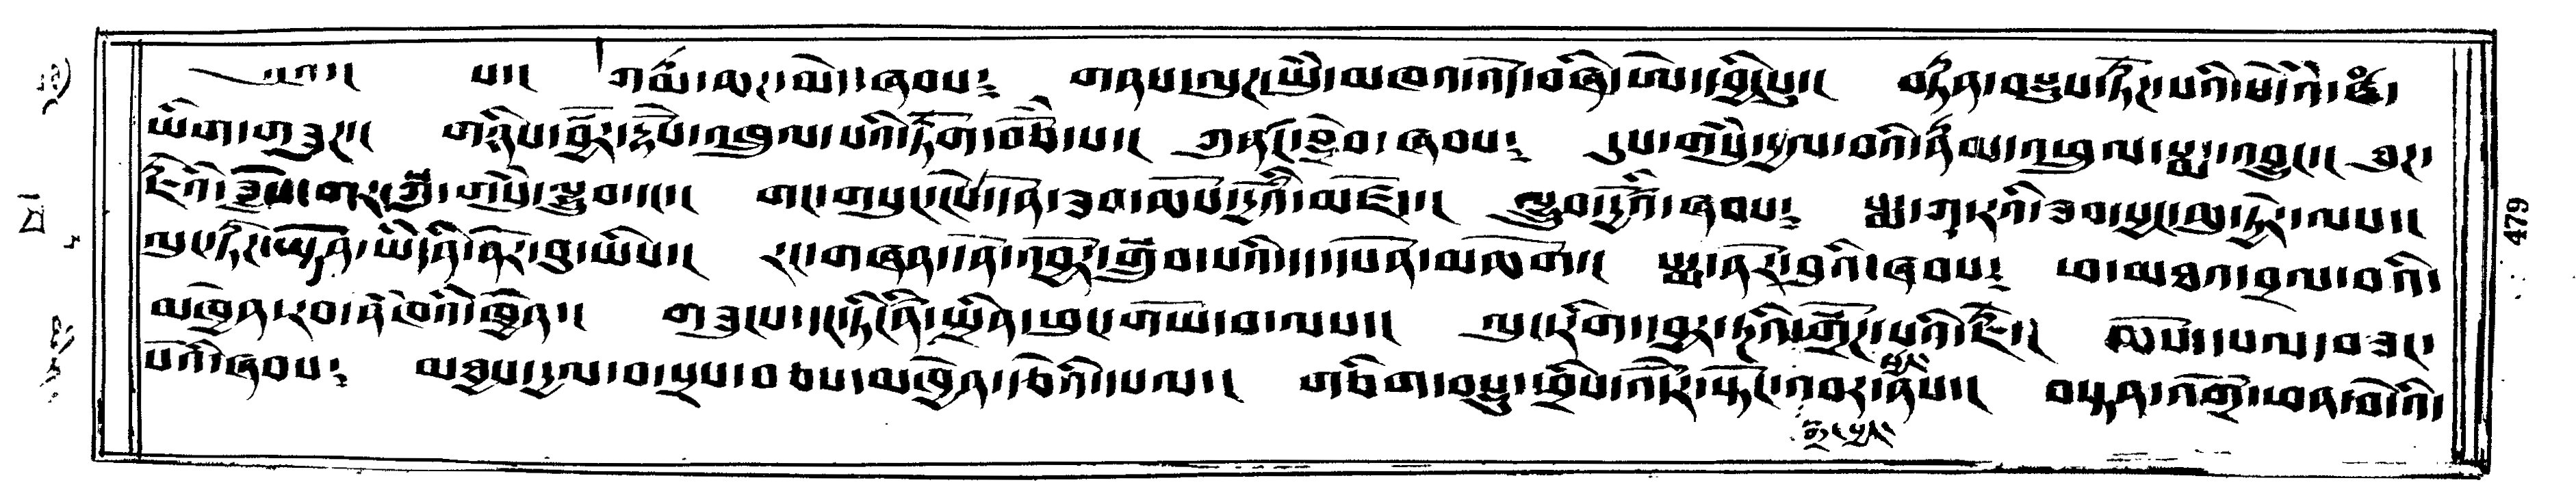ཕྱེས། བར་འདི་ནས་ཚན་པ་འགའ་ཞིག་ཆད་དམ་སྙམ། ཀརྨ་ཆགས་མེད་ཞབས༴ གནས་ལུགས་ཡུམ་མཁའ་འོད་བཞི་ཨེ་དབྱིངས་སུ། །བརྟན་བསྡུས་རྟོགས་པའི་སེམས་དཔའ་ཝཾ་
ཡིག་གཟུགས། །གཉིས་སྦྱོར་རྡོ་རྗེས་འཁྲུལ་པའི་རྟོག་བཅོམ་པ། །ཀུན་བཟང་ཤེས་རབ་ཞབས༴ དུས་གསུམ་རྒྱལ་བའི་རྣམ་འཕྲུལ་པདྨ་འབྱུང་། །ཐུགས་
རྗེའི་ཟློས་གར་སྐུ་གསུམ་ལྷུན་གྲུབ་དང་། །གང་གསུང་ངེས་དོན་ཟབ་ཆོས་རྒྱ་མཚོའི་མཛོད། །ལྷུན་གྲུབ་རྒྱ་མཚོའི་ཞབས༴ པདྨ་ཀ་རའི་ཟབ་གསང་ཆུ་གཏེར་ལས། །
ལུང་རྟོགས་ཡོན་ཏན་ཡིད་བཞིན་ནོར་བུ་ཡིས། །རང་གཞན་དོན་འབྱོར་སྒྲུབ་པའི་དེད་དཔོན་མཆོག །པདྨ་ནོར་བུའི་ཞབས༴ ཕ་མཐའ་བྲལ་བའི་
མཁྱེན་རབ་ནམ་མཁའི་ཁྱོན། །གཟུངས་དང་ཏིང་འཛིན་སྤྲིན་ཕུང་གཡོ་བ་ལས། །ལུང་རིགས་དབྱར་རྔའི་སྒྲོག་པའི་རྗེ། །ཆོས་དཔལ་བཟང་
པོའི་ཞབས༴ མཐའ་ཡས་རྒྱལ་བ་སྲས་བཅས་མཁྱེན་རྩེའི་དཔལ། །གཅིག་བསྡུས་ཕྲིན་ལས་འོད་ཟེར་སྟོང་འབར་ནས། །བསྟན་འགྲོའི་ཕན་བདེའི་